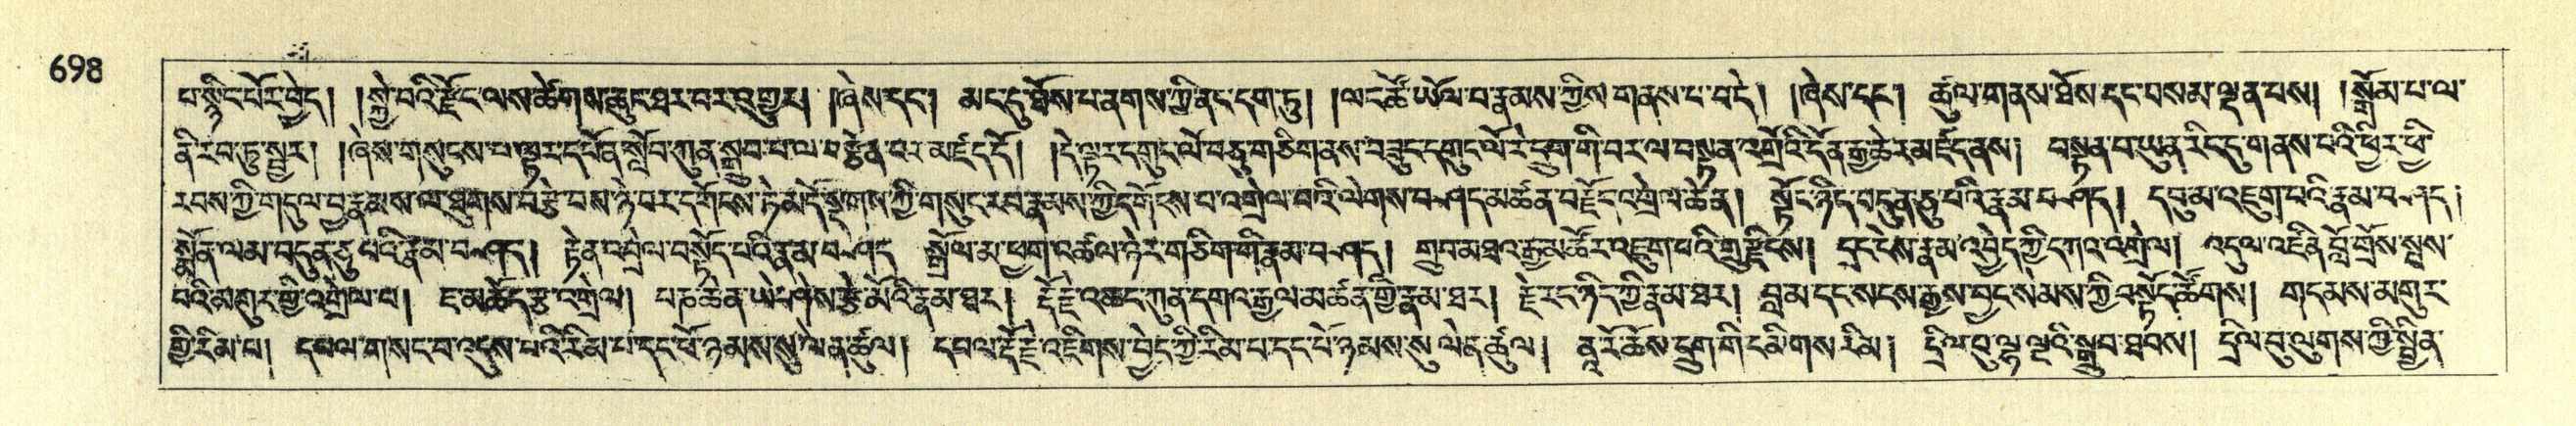པ་སྙིང་པོར་བྱེད། །སྐྱེ་བའི་རྫོང་ལས་ཚེགས་ཆུང་ཐར་བར་འགྱུར། །ཞེས་དང་། མང་དུ་ཐོས་པ་ནགས་ཀྱི་ནང་དག་ཏུ། །ལང་ཚོ་ཡོལ་བ་རྣམས་ཀྱིས་གནས་པ་བདེ། །ཞེས་དང་། ཚུལ་གནས་ཐོས་དང་བསམ་ལྡན་པས། །སྒོམ་པ་ལ་
ནི་རབ་ཏུ་སྦྱར། །ཞེས་གསུངས་བ་ལྟར་དཔོན་སློབ་ཀུན་སྒྲུབ་པ་ལ་བརྩོན་བར་མཛད་དོ། །དེ་ལྟར་དགུང་ལོ་བཅུ་གཅིག་ནས་བཟུང་དགུང་ལོ་རེ་དྲུག་གི་བར་ལ་བསྟན་འགྲོའི་དོན་རྒྱ་ཆེར་མཛད་ནས༑ བསྟན་པ་ཡུན་རིང་དུ་གནས་པའི་ཕྱིར་ཕྱི་
རབས་ཀྱི་གདུལ་བྱ་རྣམས་ལ་ཐུགས་བརྩེ་བས་ཉེ་བར་དགོངས་ཏེ་མདོ་སྔགས་ཀྱི་གསུང་རབ་རྣམས་ཀྱི་དགོངས་བ་འགྲེལ་བའི་ལེགས་བཤད་མཚན་བརྗོད་འགྲེལ་ཆེན། སྟོང་ཉིད་བདུན་ཅུ་པའི་རྣམ་བཤད། དབུ་མ་འཇུག་པའི་རྣམ་བཤད།
སྨོན་ལམ་བདུན་ཅུ་པའི་རྣམ་བཤད། རྟེན་འབྲེལ་བསྟོད་པའི་རྣམ་བཤད། སྒྲོལ་མ་ཕྱག་འཚལ་ཉེར་གཅིག་གི་རྣམ་བཤད། གྲུབ་མཐའ་རྒྱ་མཚོར་འཇུག་པའི་གྲུ་རྫིངས། དྲང་ངེས་རྣམ་འབྱེད་ཀྱི་དཀའ་འགྲེལ། འདུལ་འཛིན་བློ་གྲོས་སྦས་
བའི་མགུར་གྱི་འགྲེལ་པ། ཇ་མཆོད་རྩ་འགྲེལ། པཎ་ཆེན་ཡེ་ཤེས་རྩེ་མོའི་རྣམ་ཐར། རྡོ་རྗེ་འཆང་ཀུན་དགའ་རྒྱལ་མཚན་གྱི་རྣམ་ཐར། རྗེ་རང་ཉིད་ཀྱི་རྣམ་ཐར། བླ་མ་དང་སངས་རྒྱས་བྱང་སེམས་ཀྱི་བསྟོད་ཚོགས། གདམས་མགུར་
གྱི་རིམ་པ། དཔལ་གསང་བ་འདུས་པའི་རིམ་པ་དང་ཕོ་ཉམས་སུ་ལེན་ཚུལ། དཔལ་རྡོ་རྗེ་འཇིགས་བྱེད་ཀྱི་རིམ་པ་དང་པོ་ཉམས་སུ་ལེན་ཚུལ། ནཱ་རོ་ཆོས་དྲུག་གི་དམིགས་རིམ། དྲིལ་བུ་ལྷ་ལྔའི་སྒྲུབ་ཐབས། དྲིལ་བུ་ལུགས་ཀྱི་སྦྱིན་